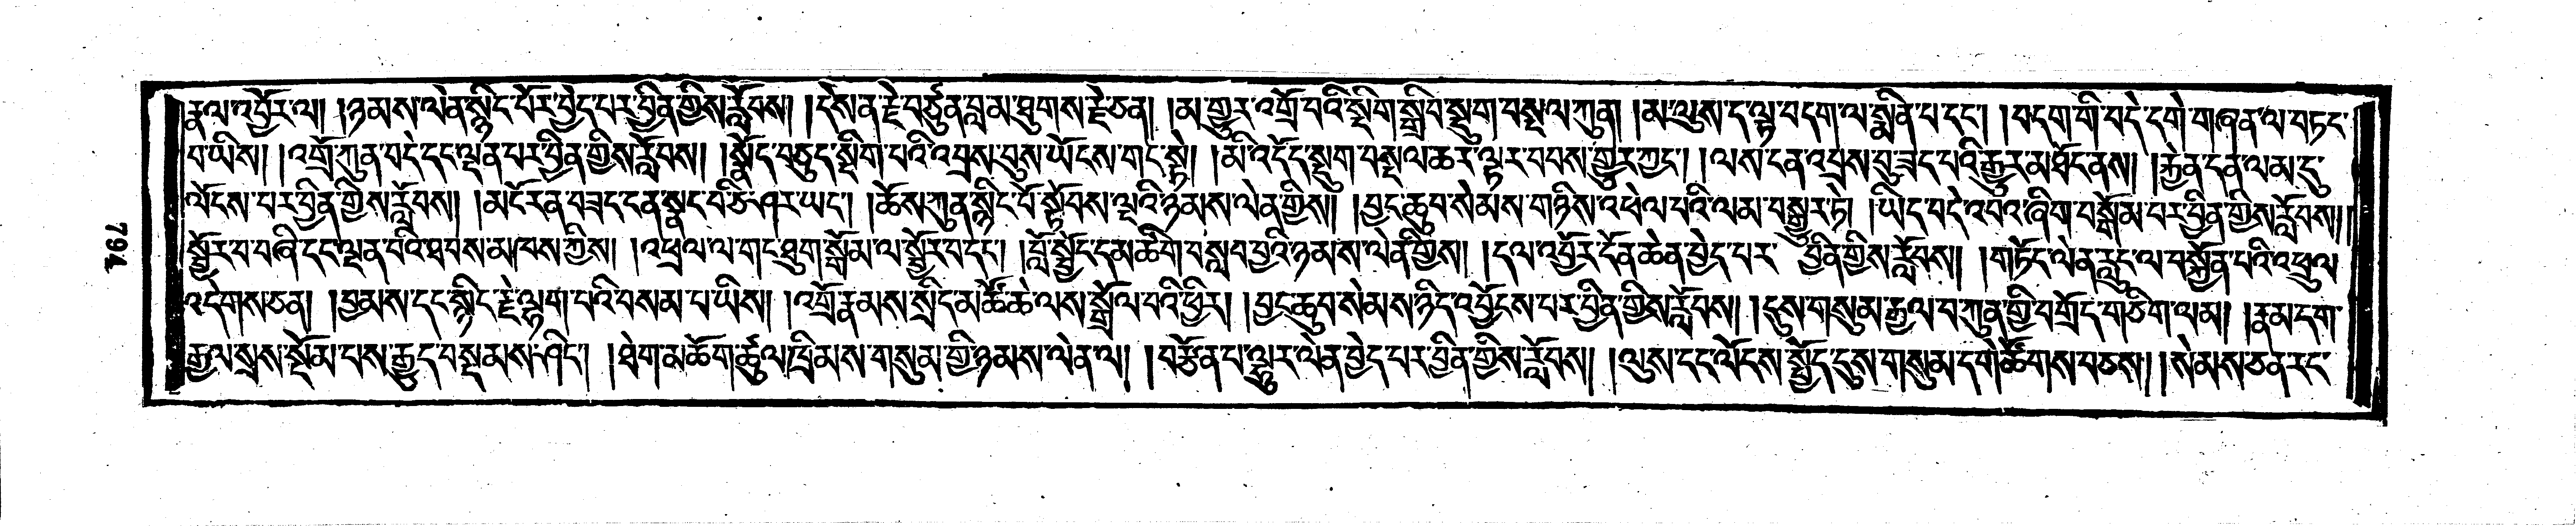རྣལ་འབྱོར་ལ། །ཉམས་ལེན་སྙིང་པོར་བྱེད་པར་བྱིན་གྱིས་རློབས། །དེས་ན་རྗེ་བཙུན་བླ་མ་ཐུགས་རྗེ་ཅན། །མ་གྱུར་འགྲོ་བའི་སྡིག་སྒྲིབ་སྡུག་བསྔལ་ཀུན། །མ་ལུས་ད་ལྟ་བདག་ལ་སྨིན་པ་དང་། །བདག་གི་བདེ་དགེ་གཞན་ལ་བཏང་
བ་ཡིས། །འགྲོ་ཀུན་བདེ་དང་ལྡན་པར་བྱིན་གྱིས་རློབས། །སྣོད་བཅུད་སྡིག་པའི་འབྲས་བུས་ཡོངས་གང་སྟེ། །མི་འདོད་སྡུག་བསྔལ་ཆར་ལྟར་བབས་གྱུར་ཀྱང་། །ལས་ངན་འབྲས་བུ་ཟད་པའི་རྒྱུར་མཐོང་ནས། །རྐྱེན་ངན་ལམ་དུ་
ལོངས་པར་བྱིན་གྱིས་རློབས། །མདོར་ན་བཟང་ངན་སྣང་བ་ཅི་ཤར་ཡང་། །ཆོས་ཀུན་སྙིང་པོ་སྟོབས་ལྔའི་ཉམས་ལེན་གྱིས། །བྱང་ཆུབ་སེམས་གཉིས་འཕེལ་བའི་ལམ་བསྒྱུར་ཏེ། །ཡིད་བདེ་འབའ་ཞིག་བསྒོམ་པར་བྱིན་གྱིས་རློབས།།
སྦྱོར་བ་བཞི་དང་ལྡན་པའི་ཐབས་མཁས་ཀྱིས། །འཕྲལ་ལ་གང་ཐུག་སྒོམ་ལ་སྦྱོར་བ་དང་། །བློ་སྦྱོང་དམ་ཚིག་བསླབ་བྱའི་ཉམས་ལེན་གྱིས། །དལ་འབྱོར་དོན་ཆེན་བྱེད་པར་བྱིན་གྱིས་རློབས། །གཏོང་ལེན་རླུང་ལ་བསྐྱོན་པའི་འཕྲུལ་
འདེགས་ཅན། །བྱམས་དང་སྙིང་རྗེ་ལྷག་པའི་བསམ་པ་ཡིས། །འགྲོ་རྣམས་སྲིད་མཚོ་ཆེ་ལས་སྒྲོལ་བའི་ཕྱིར། །བྱང་ཆུབ་སེམས་བཅས། །སེམས་ཅན་རང་བགྲོད་གཅིག་ལམ། །རྣམ་དག་
རྒྱལ་སྲས་སྡོམ་པས་རྒྱུད་བསྡམས་ཤིང་། །ཐེག་མཆོག་ཚུལ་ཁྲིམས་གསུམ་གྱི་ཉམས་ལེན་ལ། །བརྩོན་པ་ལྷུར་ལེན་བྱེད་པར་བྱིན་གྱིས་རློབས། །ལུས་དང་ལོངས་སྤྱོད་དུས་གསུམ་དགེ་ཚོགས་བཅས། །སེམས་ཅན་རང་